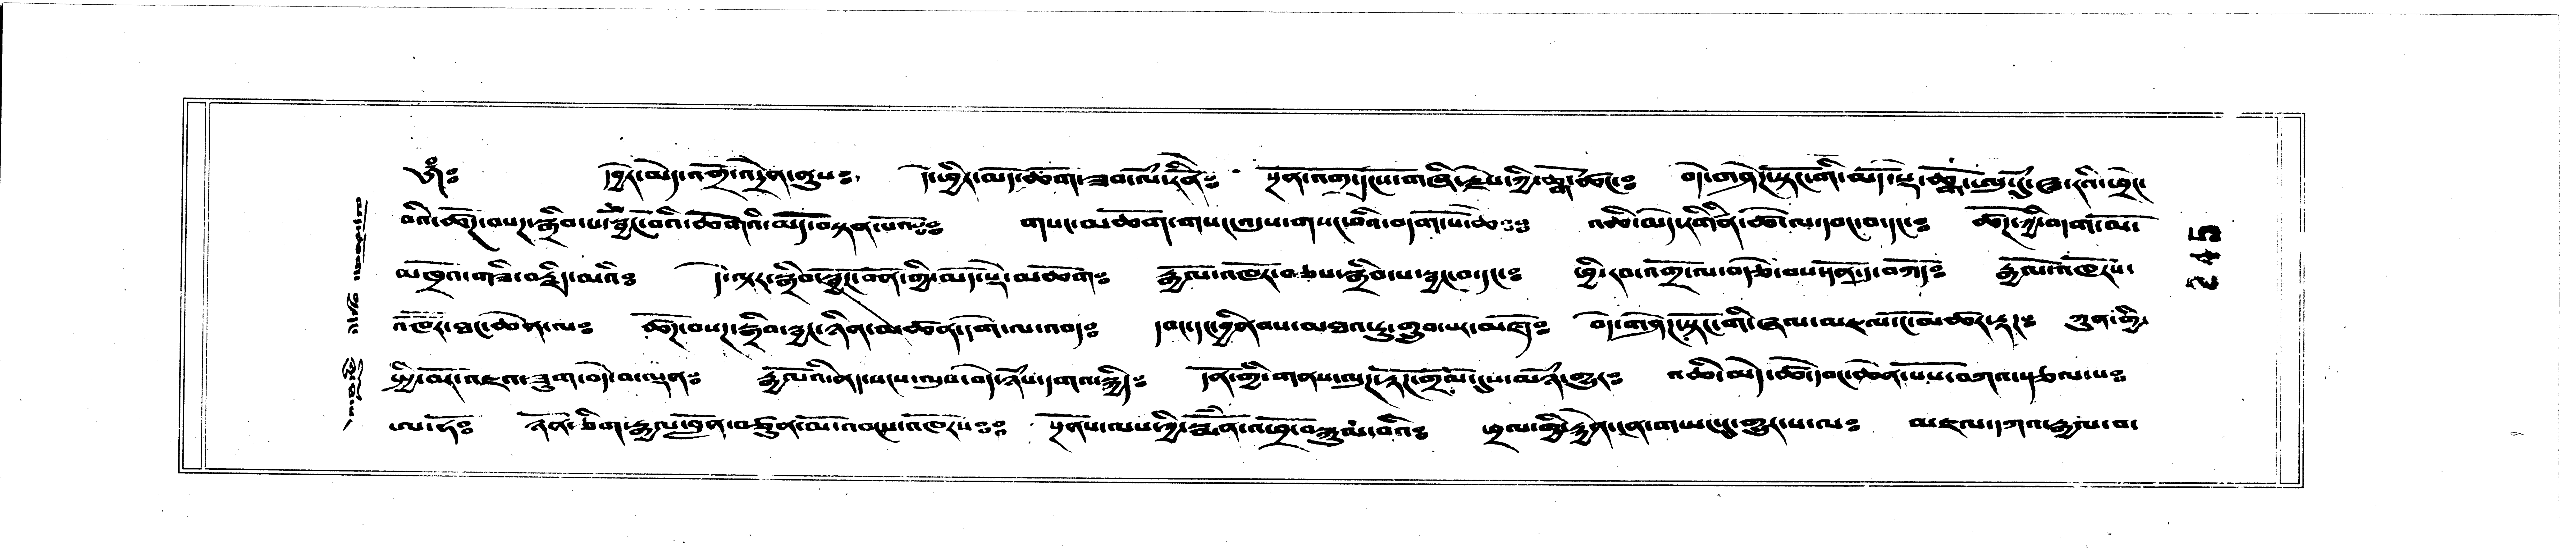དབྱེར་མེད་འགྲོ་འདྲེན་ནུསཿ དེ་ཕྱིར་མདོ་ཆོག་ཟབ་མོ་རིན་པོ་ཆེཿ སྔོན་འགྲོ་དངོས་གཞི་རྗེས་ཀྱི་ཆོ་ག་ཚངཿ བདེར་གཤེགས་སྟོང་གི་ཆོ་ག་མདོ་སྡེ་ཨུ་དུམ་ཝ་རའི་ཕྲེང་
བའི་ཚོགས་བསགས་སྒྲིབ་པ་སྦྱོང་བའི་ཆོ་གའི་མདོ་བསྟན་པའོཿ གསང་མཆོག་གསང་འདུས་གསང་བའི་བདག་པོ་ཆེཿ འཆི་མེད་རིག་འཛིན་ཚེ་ལ་དབང་བ་དངཿ ཚོགས་ཀྱི་བདག་མོ་
མཁའ་འགྲོ་གཟི་བརྗིད་མའིཿ དེ་ལྟར་སྒྲིབ་སྦྱང་བོན་གྱི་མདོ་སྡེ་མཆོགཿ རྒྱལ་པོ་འཁོར་བཅས་སྒྲིབ་པ་སྦྱང་བ་དངཿ ཕྱི་རབས་འགྲོ་ལ་བརྩེ་བས་དོན་དུ་བཀོདཿ རྒྱལ་པོ་འཁོར་
བཅས་འཁོར་ལོ་ཐང་ཆེན་ལཿ ཚོགས་བསགས་སྒྲིབ་སྦྱང་ཉིན་མཚན་དགེ་ལ་འབདཿ དབང་དང་བྱིན་རླབས་མཐའ་རུ་གྲུབ་པར་མཛོདཿ བདེར་གཤེགས་སྟོང་གི་ཞལ་མཇལ་ངོ་མཚར་རྟགསཿ ཀུན་གྱི་
སྤྱི་བོར་འཇའ་ཟུག་བདེ་བ་ལྡནཿ རྒྱལ་པོའི་ནད་སངས་ལུས་བདེ་ཉམས་དགའ་སྐྱིདཿ དོན་གྱི་གནས་ལུགས་རྟོགས་གྲོལ་དུས་མཉམ་གྱུརཿ འཆི་མེད་ཚེ་དབང་ཆེན་པོས་བཀའ་སྩལ་པཿ 
ཨ་ཧོཿ ཉོན་ཅིག་རྒྱལ་བློན་བཙུན་མོ་འབངས་འཁོར་བཅསཿ སྔོན་ནས་ལས་ཀྱི་སྨོན་ལམ་འཕྲོ་བསྐུལ་བའིཿ འཕྲལ་གྱི་རྐྱེན་ངན་གཡང་དུ་གྱུར་པ་ལཿ མཇལ་དཀའ་རྒྱལ་བ་